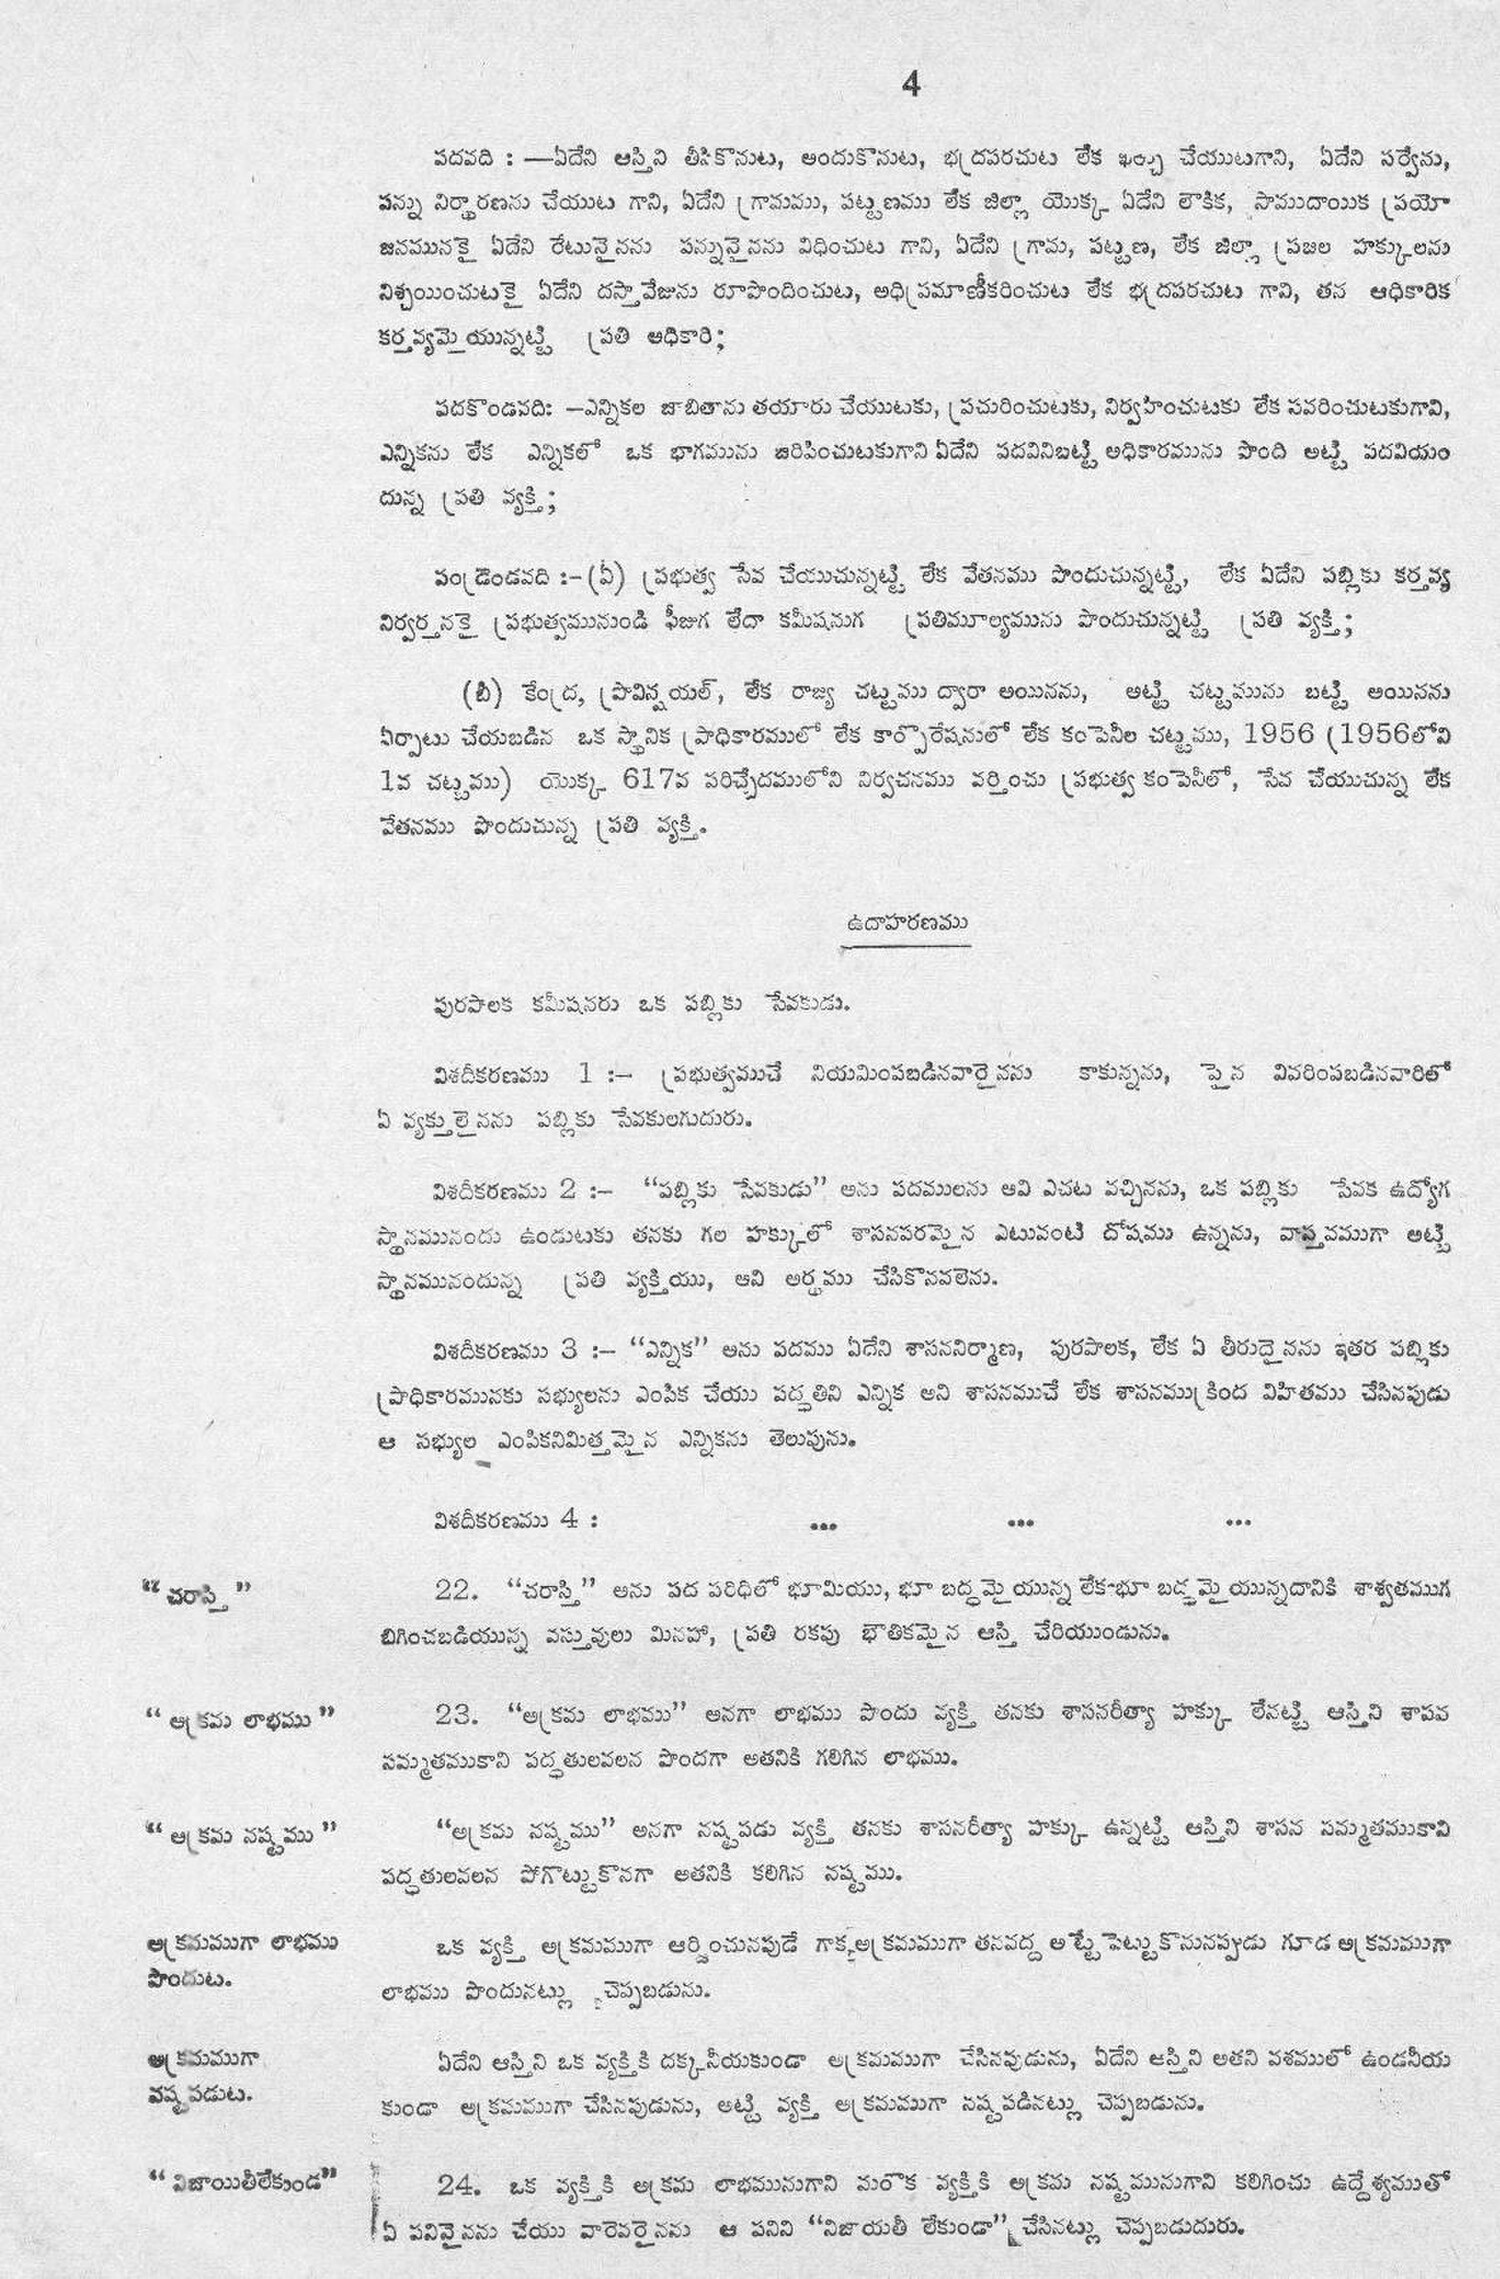పదవది : -ఏదేని ఆస్తిని తీసికొనుట, అందుకొనుట, భద్రపరచుట లేక ఖర్చు చేయుటగాని, ఏదేని సర్వేను, పన్ను నిర్ధారణను చేయుట గాని, ఏదేని గ్రామము, పట్టణము లేక జిల్లా యొక్క ఏదేని లౌకిక, సాముదాయిక ప్రయోజనమునకై ఏదేని రేటునైనను పన్నునైనను విధించుట గాని, ఏదేని గ్రామ, పట్టణ, లేక జిల్లా ప్రజల హక్కులను నిశ్చయించుటకై ఏదేని దస్తావేజును రూపొందించుట, అధి ప్రమాణీకరించుట లేక భద్రపరచుట గాని, తన ఆధికారిక కర్తవ్యమై యున్నట్టి ప్రతి అధికారి;

పదకొండవది: - ఎన్నికల జాబితాను తయారు చేయుటకు, ప్రచురించుటకు, నిర్వహించుటకు లేక సవరించుటకుగాని,
ఎన్నికను లేక ఎన్నికలో ఒక భాగమును జరిపించుటకుగాని ఏదేని పదవినిబట్టి అధికారమును పొంది అట్టి పదవియం
దున్న ప్రతి వ్యక్తిని;

పండ్రెండవది :- (ఏ) ప్రభుత్వ సేవ చేయుచున్నట్టి లేక వేతనము పొందుచున్నట్టి, లేక ఏదేని పబ్లికు కర్తవ్య
నిర్వర్తనకై ప్రభుత్వమునుండి ఫీజుగ లేదా కమీషనుగ ప్రతిమూల్యమును పొందుచున్నట్టి ప్రతి వ్యక్తి;

(బి) కేంద్ర, ప్రొవిన్షయల్, లేక రాజ్య చట్టము ద్వారా అయినను, అట్టి చట్టమును బట్టి అయినను ఏర్పాటు చేయబడిన ఒక స్థానిక ప్రాధికారములో లేక కార్పొరేషనులో లేక కంపెనీల చట్టము, 1956 (1956లోని 1వ చట్టము) యొక్క 617వ పరిచ్ఛేదములోని నిర్వచనము వర్తించు ప్రభుత్వ కంపెనీలో, సేవ చేయుచున్న లేక వేతనము పొందుచున్న ప్రతి వ్యక్తి .

పురపాలక కమీషనరు. ఒక పబ్లికు సేవకుడు.

విశదీకరణము 1 :- ప్రభుత్వముచే నియమింపబడినవారైనను కాకున్నను, పైన వివరింపబడినవారిలో ఏ వ్యక్తు లైనను పబ్లికు సేవకులగుదురు.

విశదీకరణము 2 :- "పబ్లికు సేవకుడు" అను పదములను అవి ఎచట వచ్చినను, ఒక పబ్లికు సేవక ఉద్యోగ స్థానము నందు ఉండుటకు తనకు గల హక్కులో శాసనపరమైన ఎటువంటి దోషము ఉన్నను, వాస్తవముగా అట్టి స్థానము నందున్న ప్రతి వ్యక్తి యు, అని అర్థము చేసికొనవలెను.

విశదీకరణము 3 :- “ఎన్నిక" అను పదము ఏదేని శాసననిర్మాణ, పురపాలక, లేక ఏ తీరుదైనను ఇతర పబ్లికు
ప్రాధికారమునకు సభ్యులను ఎంపిక చేయు పదతిని ఎన్నిక అని శాసనముచే లేక శాసనము క్రింద విహితము చేసినపుడు ఆ సభ్యుల ఎంపికనిమిత్తమైన ఎన్నికను తెలుపును.

విశదీకరణము 4: ... ... ... ...

“చరాస్తి "

22. “చరాస్తి " అను పద పరిధిలో భూమియు, భూ బద్ధమై యున్న లేక భూ బద్దమై యున్నదానికి శాశ్వతముగ
బిగించబడియున్న వస్తువులు మినహా, ప్రతి రకపు భౌతికమైన ఆస్తి చేరియుండును.

ఆక్రమ లాభము "

23. “అక్రమ లాభము" అనగా లాభము పొందు వ్యక్తి తనకు శాసనరీత్యా హక్కు లేనట్టి ఆస్తిని శాసన సమ్మతముకాని పద్ధతులవలన పొందగా అతనికి గలిగిన లాభము.

"అక్రమ నష్టము "

“అక్రమ నష్టము” అనగా నష్టపడు వ్యక్తి తనకు శాసనరీత్యా హక్కు ఉన్నట్టి ఆస్తిని శాసన సమ్మతముకాని పద్ధతులవలన పోగొట్టుకొనగా అతనికి కలిగిన నష్టము.

అక్రమముగా లాభము పొందుట.

ఒక వ్యక్తి అక్రమముగా ఆర్జించునపుడే గాక, అక్రమముగా తనవద్ద అట్టే పెట్టుకొనునప్పుడు గూడ అక్రమముగా లాభము పొందునట్లు చెప్పబడును.

అక్రమముగా నష్ట పడుట.

ఏదేని ఆస్తిని ఒక వ్యక్తికి దక్కనీయకుండా అక్రమముగా చేసినపుడును, ఏదేని ఆస్తిని అతని వశములో ఉండనీయ
కుండా అక్రమముగా చేసినపుడును, అట్టి వ్యక్తి అక్రమముగా నష్ట పడినట్లు చెప్పబడును.

" నిజాయితీలేకుండ"

24. ఒక వ్యక్తికి అక్రమ లాభమునుగాని మరొక వ్యక్తికి అక్రమ నష్టమునుగాని కలిగించు ఉద్దేశ్యముతో ఏ పనినైనను చేయు వారెవరైనను ఆ పనిని “నిజాయతీ లేకుండా” చేసినట్లు చెప్పబడుదురు.